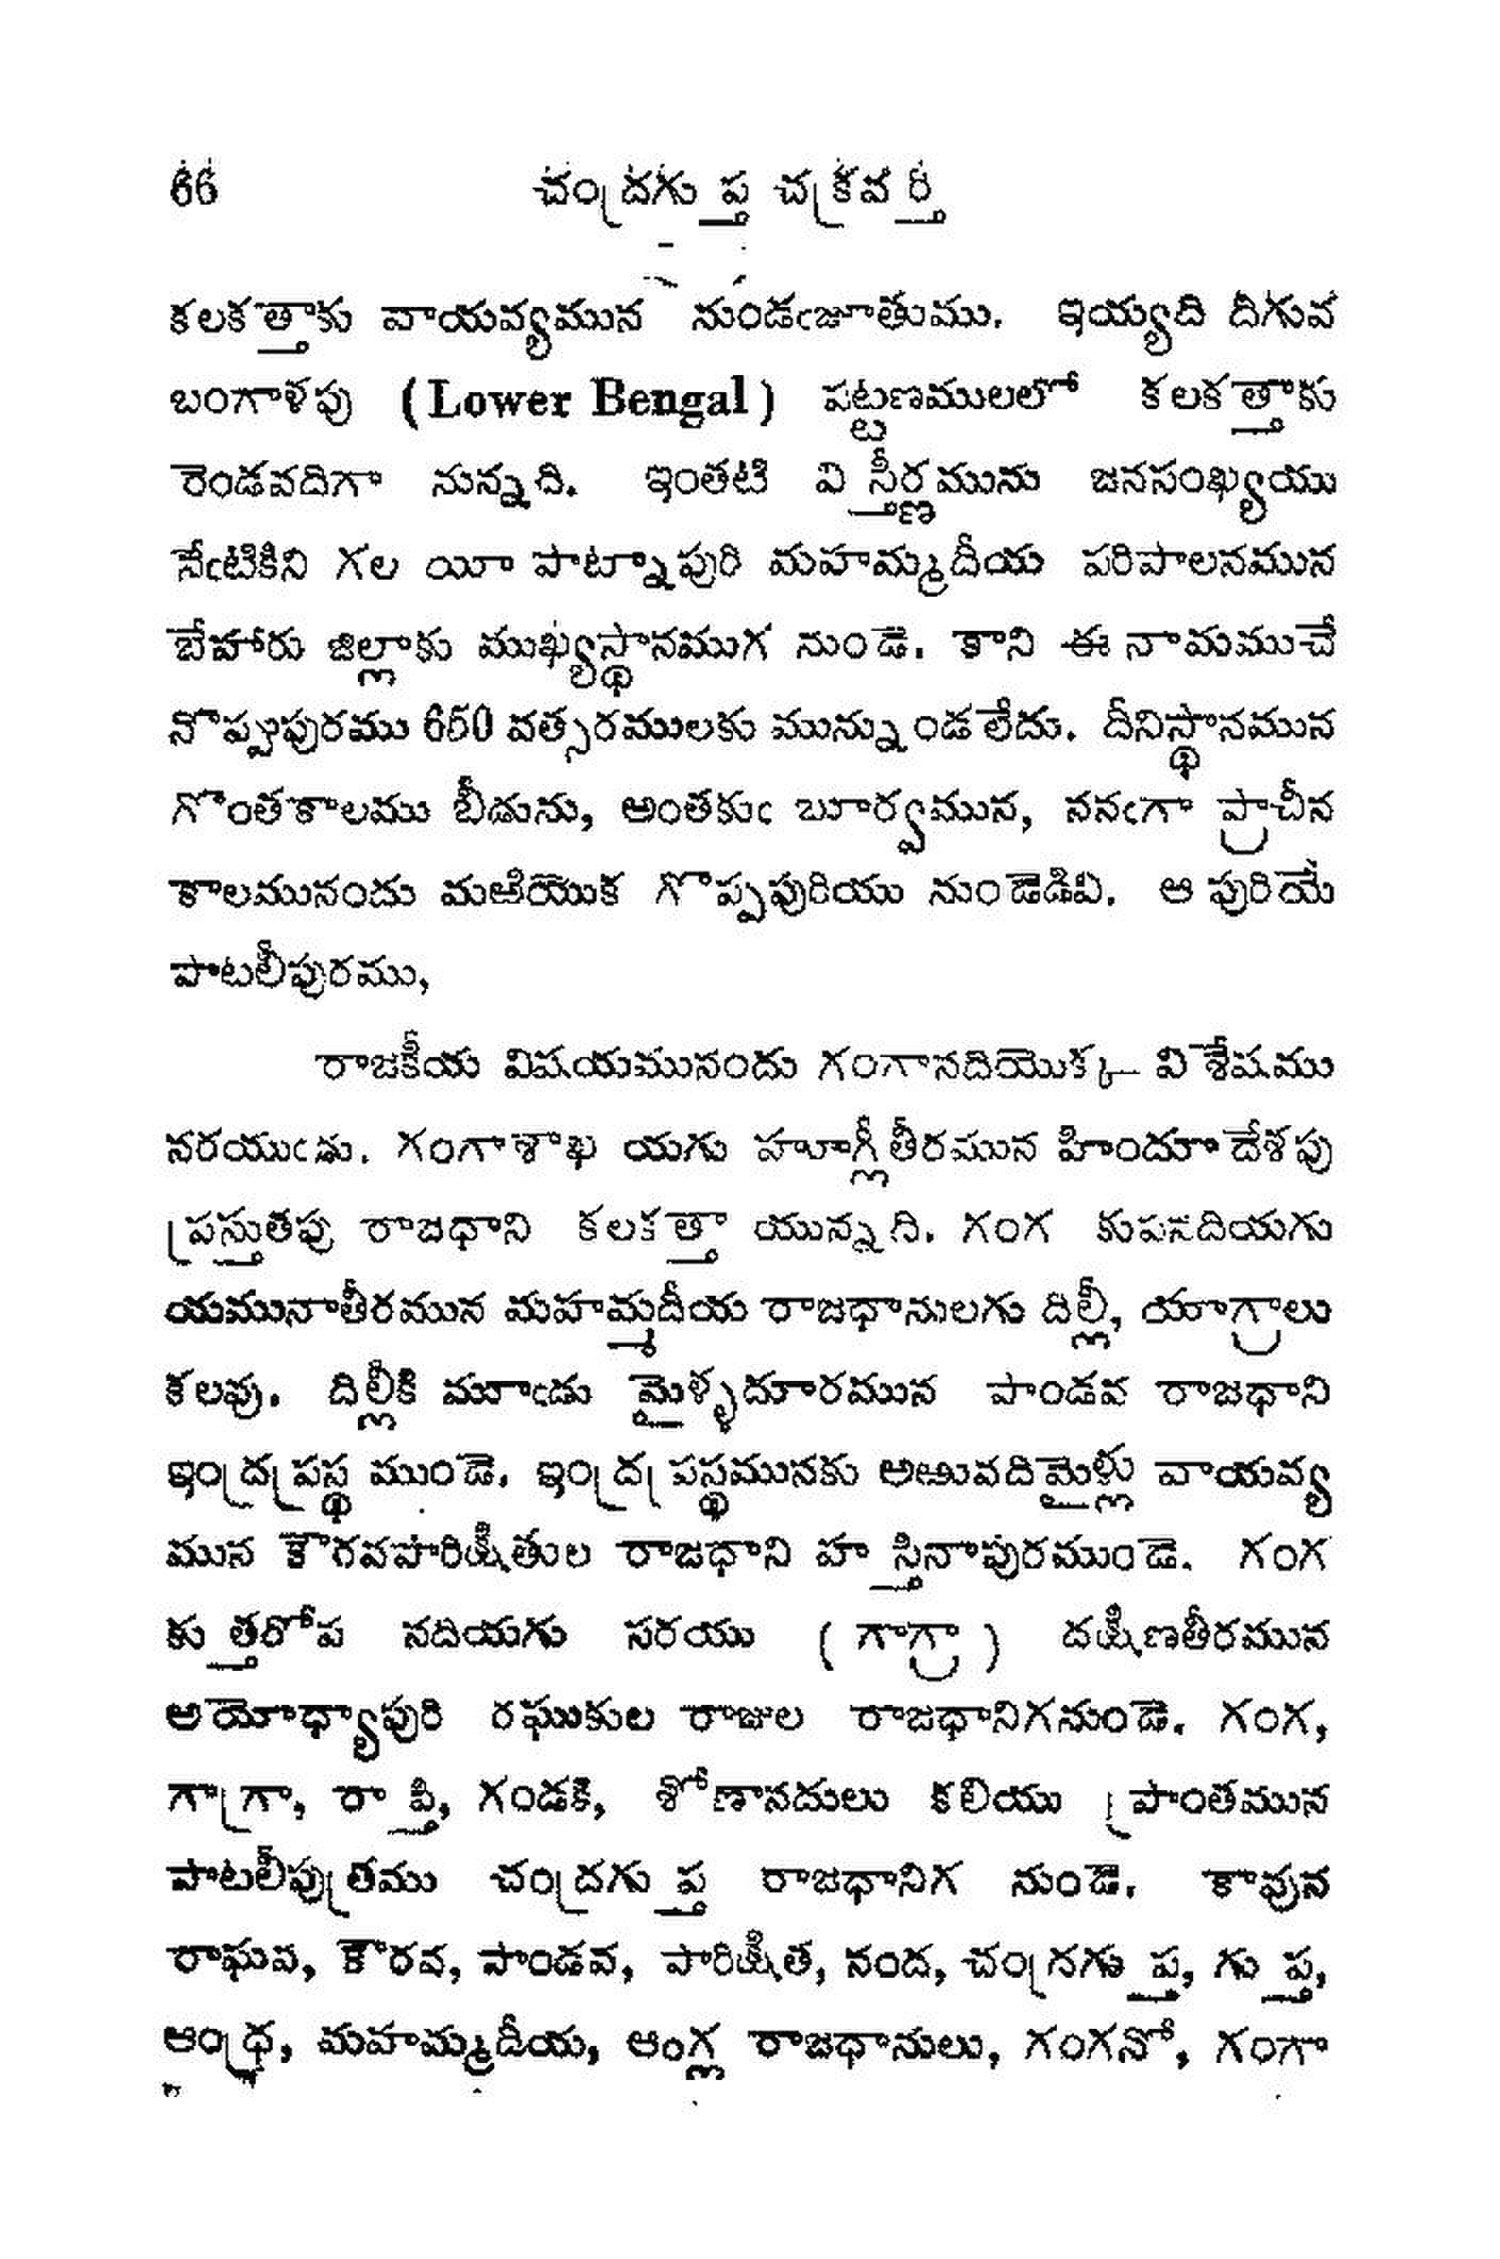కలకత్తాకు వాయవ్యమున నుండఁజూతుము. ఇయ్యది దిగువ బంగాళపు (Lower Bengal) పట్టణములలో కలకత్తాకు రెండవదిగా నున్నది. ఇంతటి విస్తీర్ణమును జనసంఖ్యయు నేటికిని గల యీ పాట్నాపురి మహమ్మదీయ పరిపాలనమున బేహారు జిల్లాకు ముఖ్యస్థానముగ నుండె. కాని ఈ నామముచే నొప్పుపురము 650 వత్సరములకు మున్నుండ లేదు. దీనిస్థానమున గొంతకాలము బీడును, అంతకుఁ బూర్వమున, ననఁగా ప్రాచీన కాలమునందు మఱియొక గొప్పపురియు నుండెడివి. ఆ వురియే పాటలీపురము.

రాజకీయ విషయమునందు గంగానదియొక్క విశేషము నరయుఁడు. గంగాశాఖ యగు హూగ్లీతీరమున హిందూదేశపు ప్రస్తుతపు రాజధాని కలకత్తా యున్నది. గంగ కుపనదియగు యమునాతీరమున మహమ్మదీయ రాజధానులగు దిల్లీ, యాగ్రాలు కలవు . దిల్లీకి మూడు మైళ్ళదూరమున పాండవ రాజధాని ఇంద్రప్రస్థ ముండె. ఇంద్ర ప్రస్థమునకు అఱువదిమైళ్లు వాయవ్యమున కౌరవపారిక్షితుల రాజధాని హస్తినాపురముండె. గంగ కుత్తరోప నదియగు సరయు (గాగ్రా) దక్షిణతీరమున అయోధ్యాపురి రఘుకుల రాజుల రాజధానిగనుండె గంగ, గాగ్రా, రాప్తి, గండకి, శోణానదులు కలియు ప్రాంతమున పాటలీపుత్రము చంద్రగుప్త రాజధానిగ నుండె. కావున రాఘవ, కౌరవ, పాండవ, పారిక్షిత, నంద, చంద్రగుప్త, గుప్త, ఆంధ్ర, మహమ్మదీయ, ఆంగ్ల రాజధానులు, గంగనో, గంగా